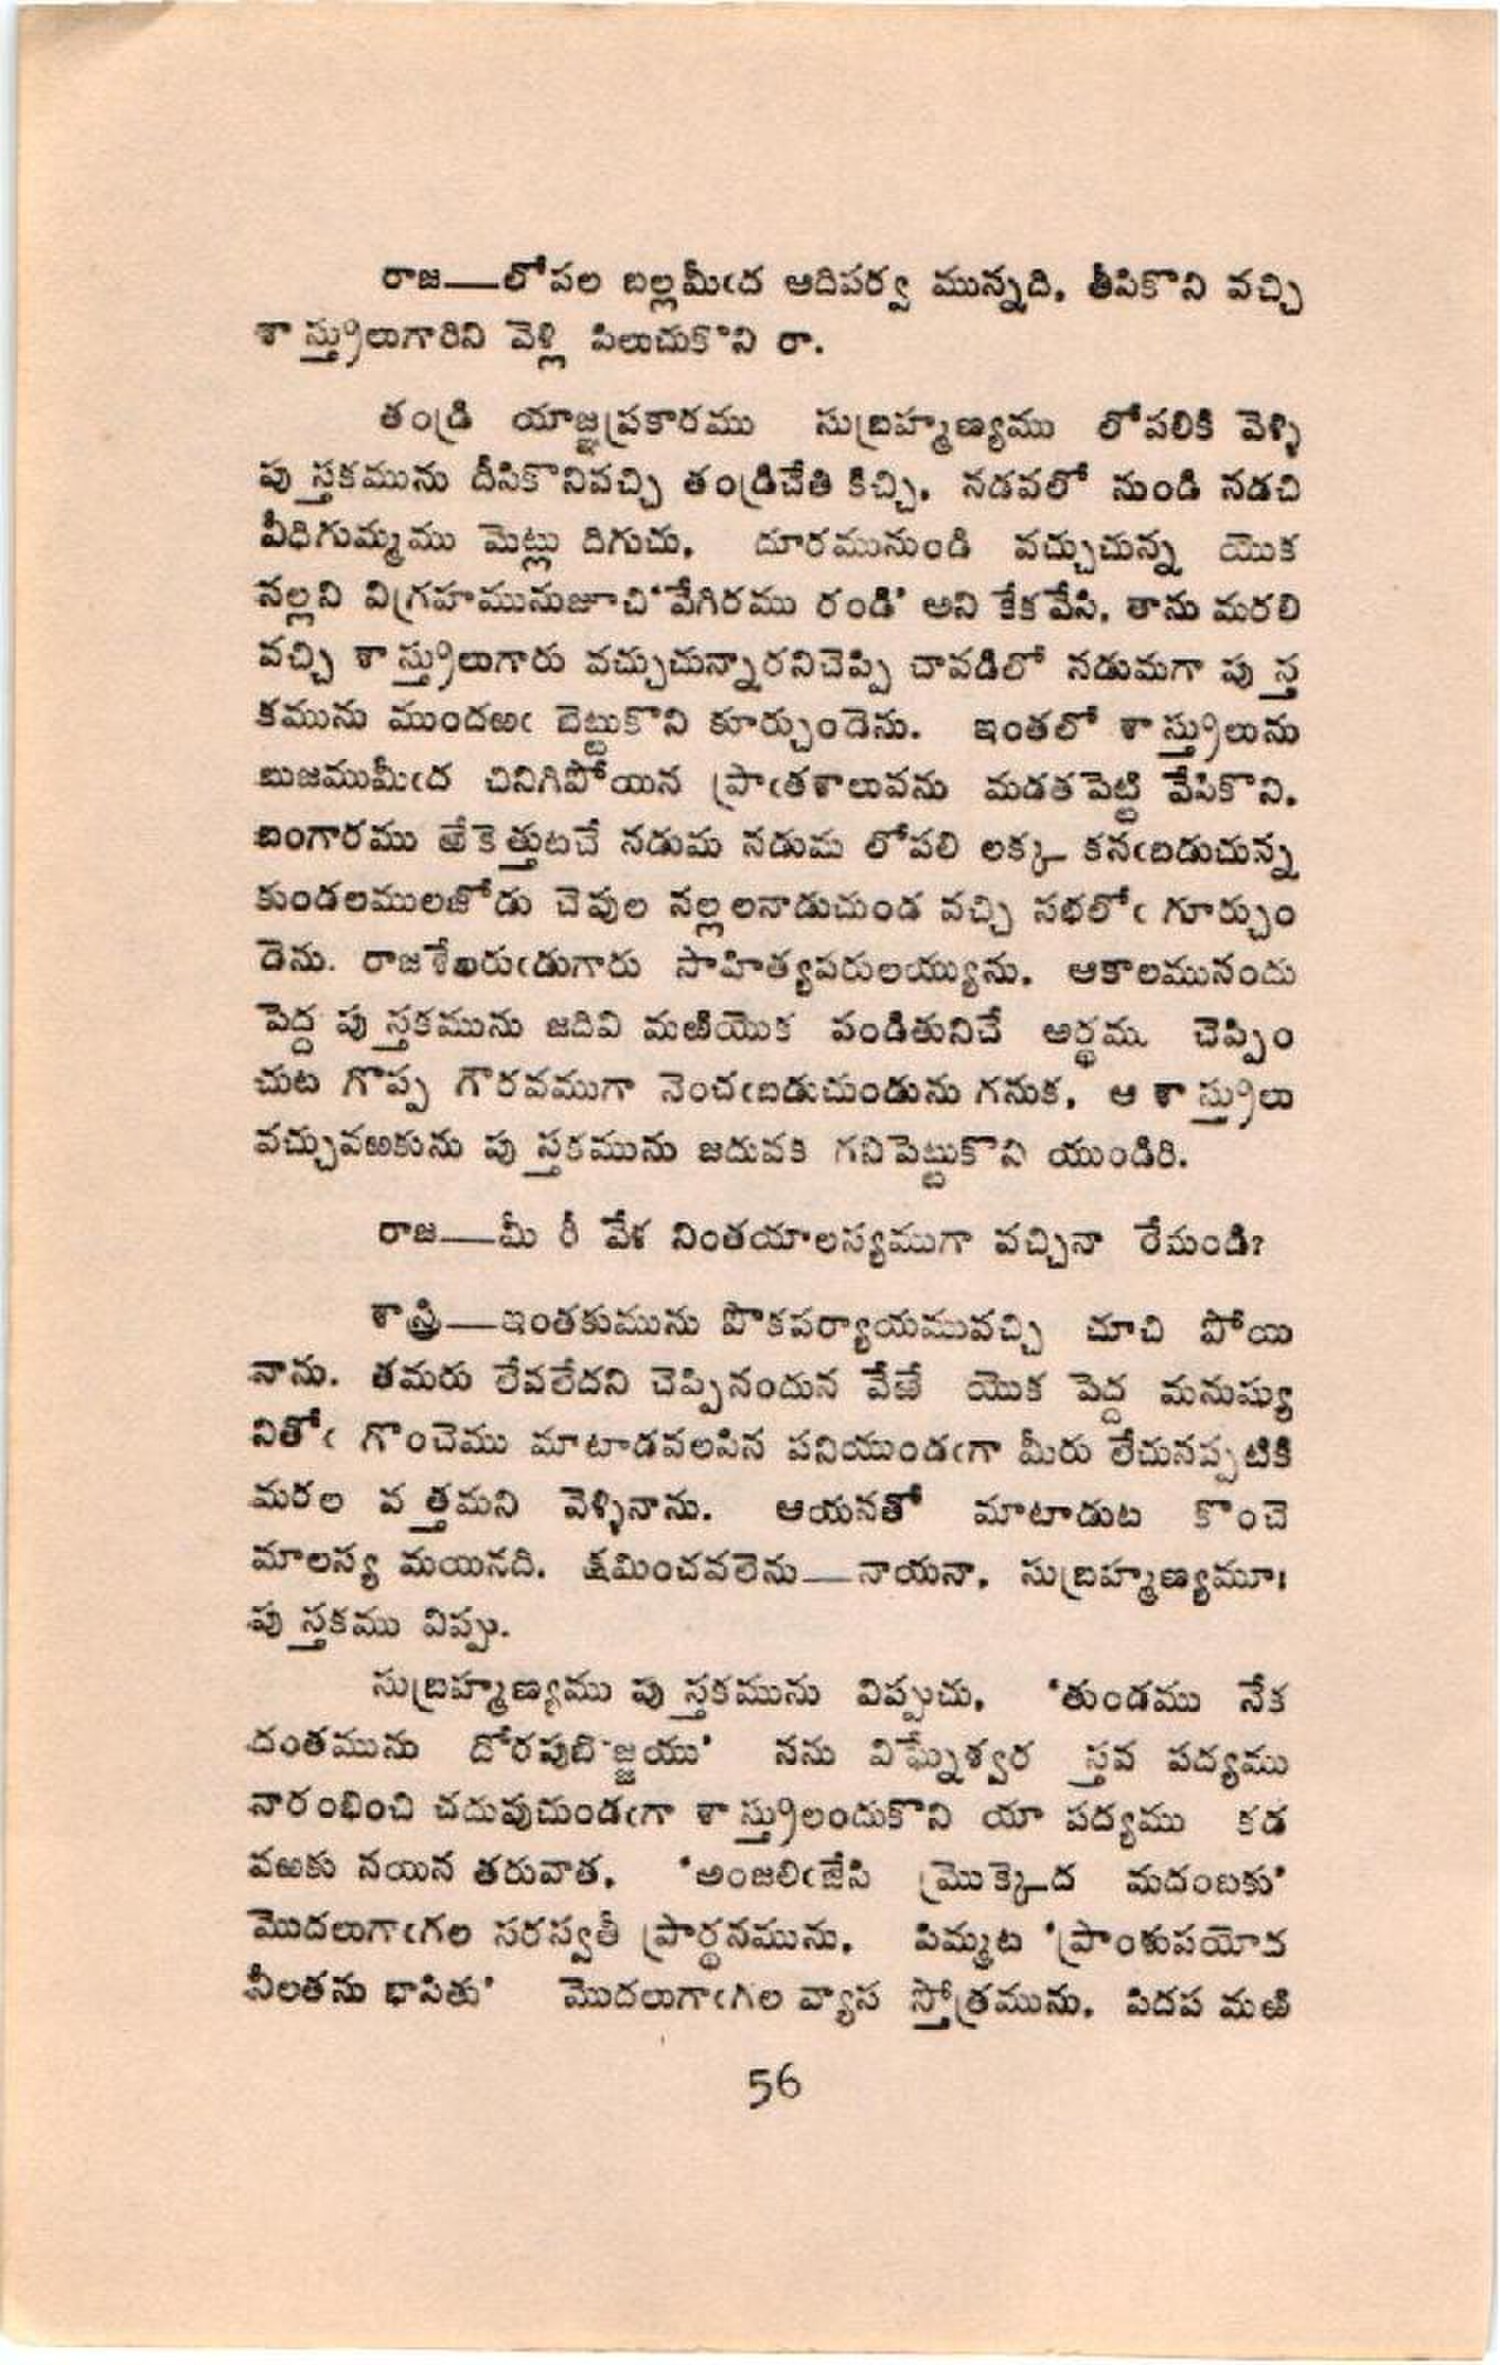రాజ__లోపల బల్లమీఁద ఆదిపర్వ మున్నది, తీసికొని వచ్చి శాస్త్రులు గారిని వెళ్లి పిలుచుకొని రా.

తండ్రి యాజ్ఞప్రకారము సుబ్రహ్మణ్యము లోపలికి వెళ్ళి పుస్తకమును దీసికొనివచ్చి తండ్రిచేతి కిచ్చి, నడవలో నుండి నడచి వీధిగుమ్మము మెట్లు దిగుచు, దూరమునుండి వచ్చుచున్న యొక నల్లని విగ్రహమునుజూచి" వేగిరము రండి" అని కేకవేసి, తాను మరలి వచ్చి శాస్త్రులుగారు వచ్చుచున్నారని చెప్పి చావడిలో నడుమగా పుస్తకమును ముందఱఁ బెట్టుకొని కూర్చుండెను. ఇంతలో శాస్త్రులును బుజముమీఁద చినిగిపోయిన ప్రాఁతశాలువను మడతపెట్టి వేసికొని, బంగారము ఱేకెత్తుటచే నడుమ నడుమ లోపలి లక్క కనఁబడుచున్న కుండలములజోడు చెవుల నల్లలనాడుచుండ వచ్చి సభలోఁ గూర్చుం డెను. రాజశేఖరుఁడుగారు సాహిత్యపరులయ్యును, ఆకాలమునందు పెద్ద పుస్తకమును జదివి మఱియొక పండితునిచే అర్థము చెప్పించుట గొప్ప గౌరవముగా నెంచఁబడుచుండును గనుక, ఆ శాస్త్రులు వచ్చువఱకును పుస్తకమును జదువక గనిపెట్టుకొని యుండిరి.

రాజ__మీ రీ వేళ నింతయాలస్యముగా వచ్చినా రేమండి?

శాస్త్రి__ఇంతకుమును పొకపర్యాయమువచ్చి చూచి పోయి నాను. తమరు లేవలేదని చెప్పినందున వేఱే యొక పెద్ద మనుష్యునితోఁ గొంచెము మాటాడవలసిన పనియుండఁగా మీరు లేచునప్పటికి మరల వత్తమని వెళ్ళినాను. ఆయనతో మాటాడుట కొంచె మాలస్య మయినది. క్షమించవలెను-నాయనా, సుబ్రహ్మణ్యమూ! పుస్తకము విప్పు.

సుబ్రహ్మణ్యము పుస్తస్తకమును విప్పుచు, 'తుండము నేక దంతమును దోరపుబొజ్జయు' నను విఘ్నేశ్వర స్తవ పద్యము నారంభించి చదువుచుండఁగా శాస్త్రులందుకొని యా పద్యము కడ వఱకు నయిన తరువాత, "అంజలిఁజేసి మొక్కెద మదంబకు" మొదలుగాఁగల సరస్వతీ ప్రార్ధనమును, పిమ్మట 'ప్రాంశుయోద నీలతను భాసితు" మొదలుగా గల వ్యాస స్తోత్రమును, పిదప మఱి